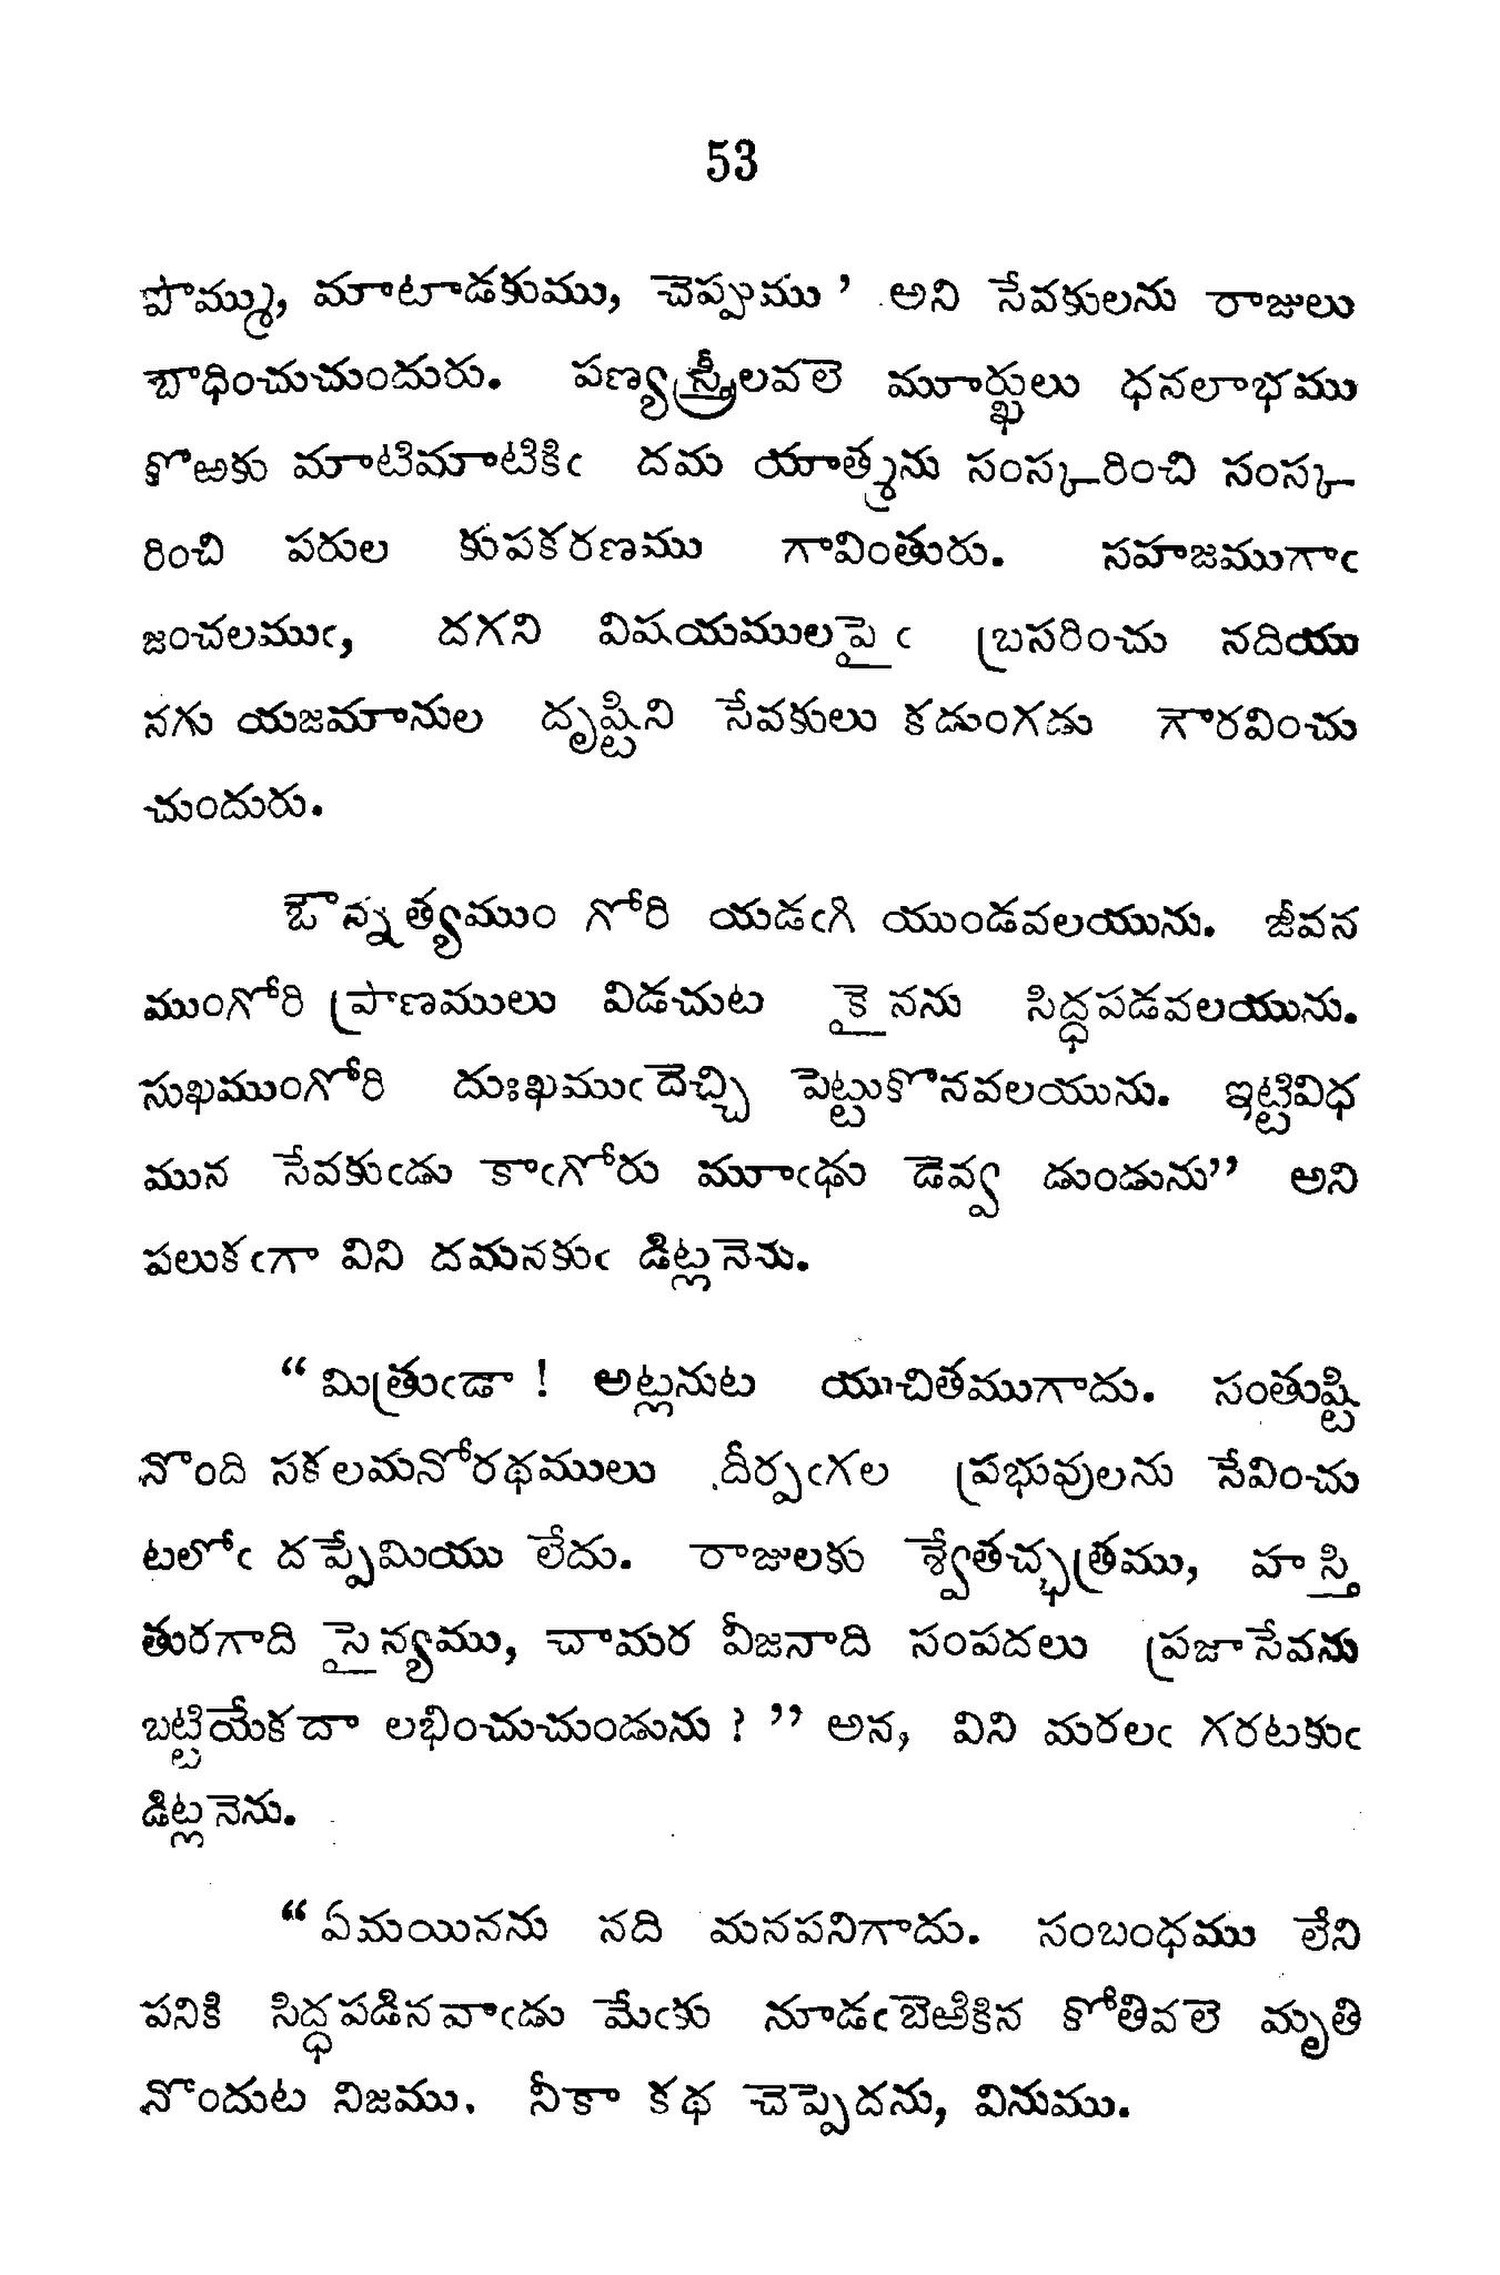పొమ్ము, మాటాడకుము, చెప్పుము" అని సేవకులను రాజులు బాధించుచుందురు. పణ్యస్త్రీలవలె మూర్ఖులు ధనలాభము కొఱకు మాటిమాటికి దమ యాత్మను సంస్కరించి సంస్కరించి పరుల కుపకరణము గావింతురు. సహజముగా జంచలము, దగని విషయములపై బ్రసరించు నదియు నగు యజమానుల దృష్టిని సేవకులు కడుంగడు గౌరవించుచుందురు.

ఔన్నత్యముం గోరి యడగి యుండవలయును. జీవనముంగోరి ప్రాణములు విడచుట కైనను సిద్ధపడవలయును. సుఖముంగోరి దు:ఖము దెచ్చి పెట్టుకొనవలయును. ఇట్టివిధమున సేవకుడు కాగోరు మూఢు డెవ్వ డుండును" అని పలుకగా విని దమనకు డిట్లనెను.

"మిత్రుడా! అట్లనుట యుచితముగాదు. సంతుష్టినొంది సకలమనోరథములు దీర్పగల ప్రభువులను సేవించుటలో దప్పేమియు లేదు. రాజులకు శ్వేతచ్ఛత్రము, హస్తి తురగాది సైన్యము, చామర వీజనాది సంపదలు ప్రజాసేవను బట్టియేకదా లభించుచుండును?" అన, విని మరల గరటకుడిట్లనెను.

"ఏమయినను నది మనపనిగాదు. సంబంధము లేనిపనికి సిద్ధపడినవాడు మేకు నూడబెఱికిన కోతివలె మృతినొందుట నిజము. నీకా కథ చెప్పెదను, వినుము.